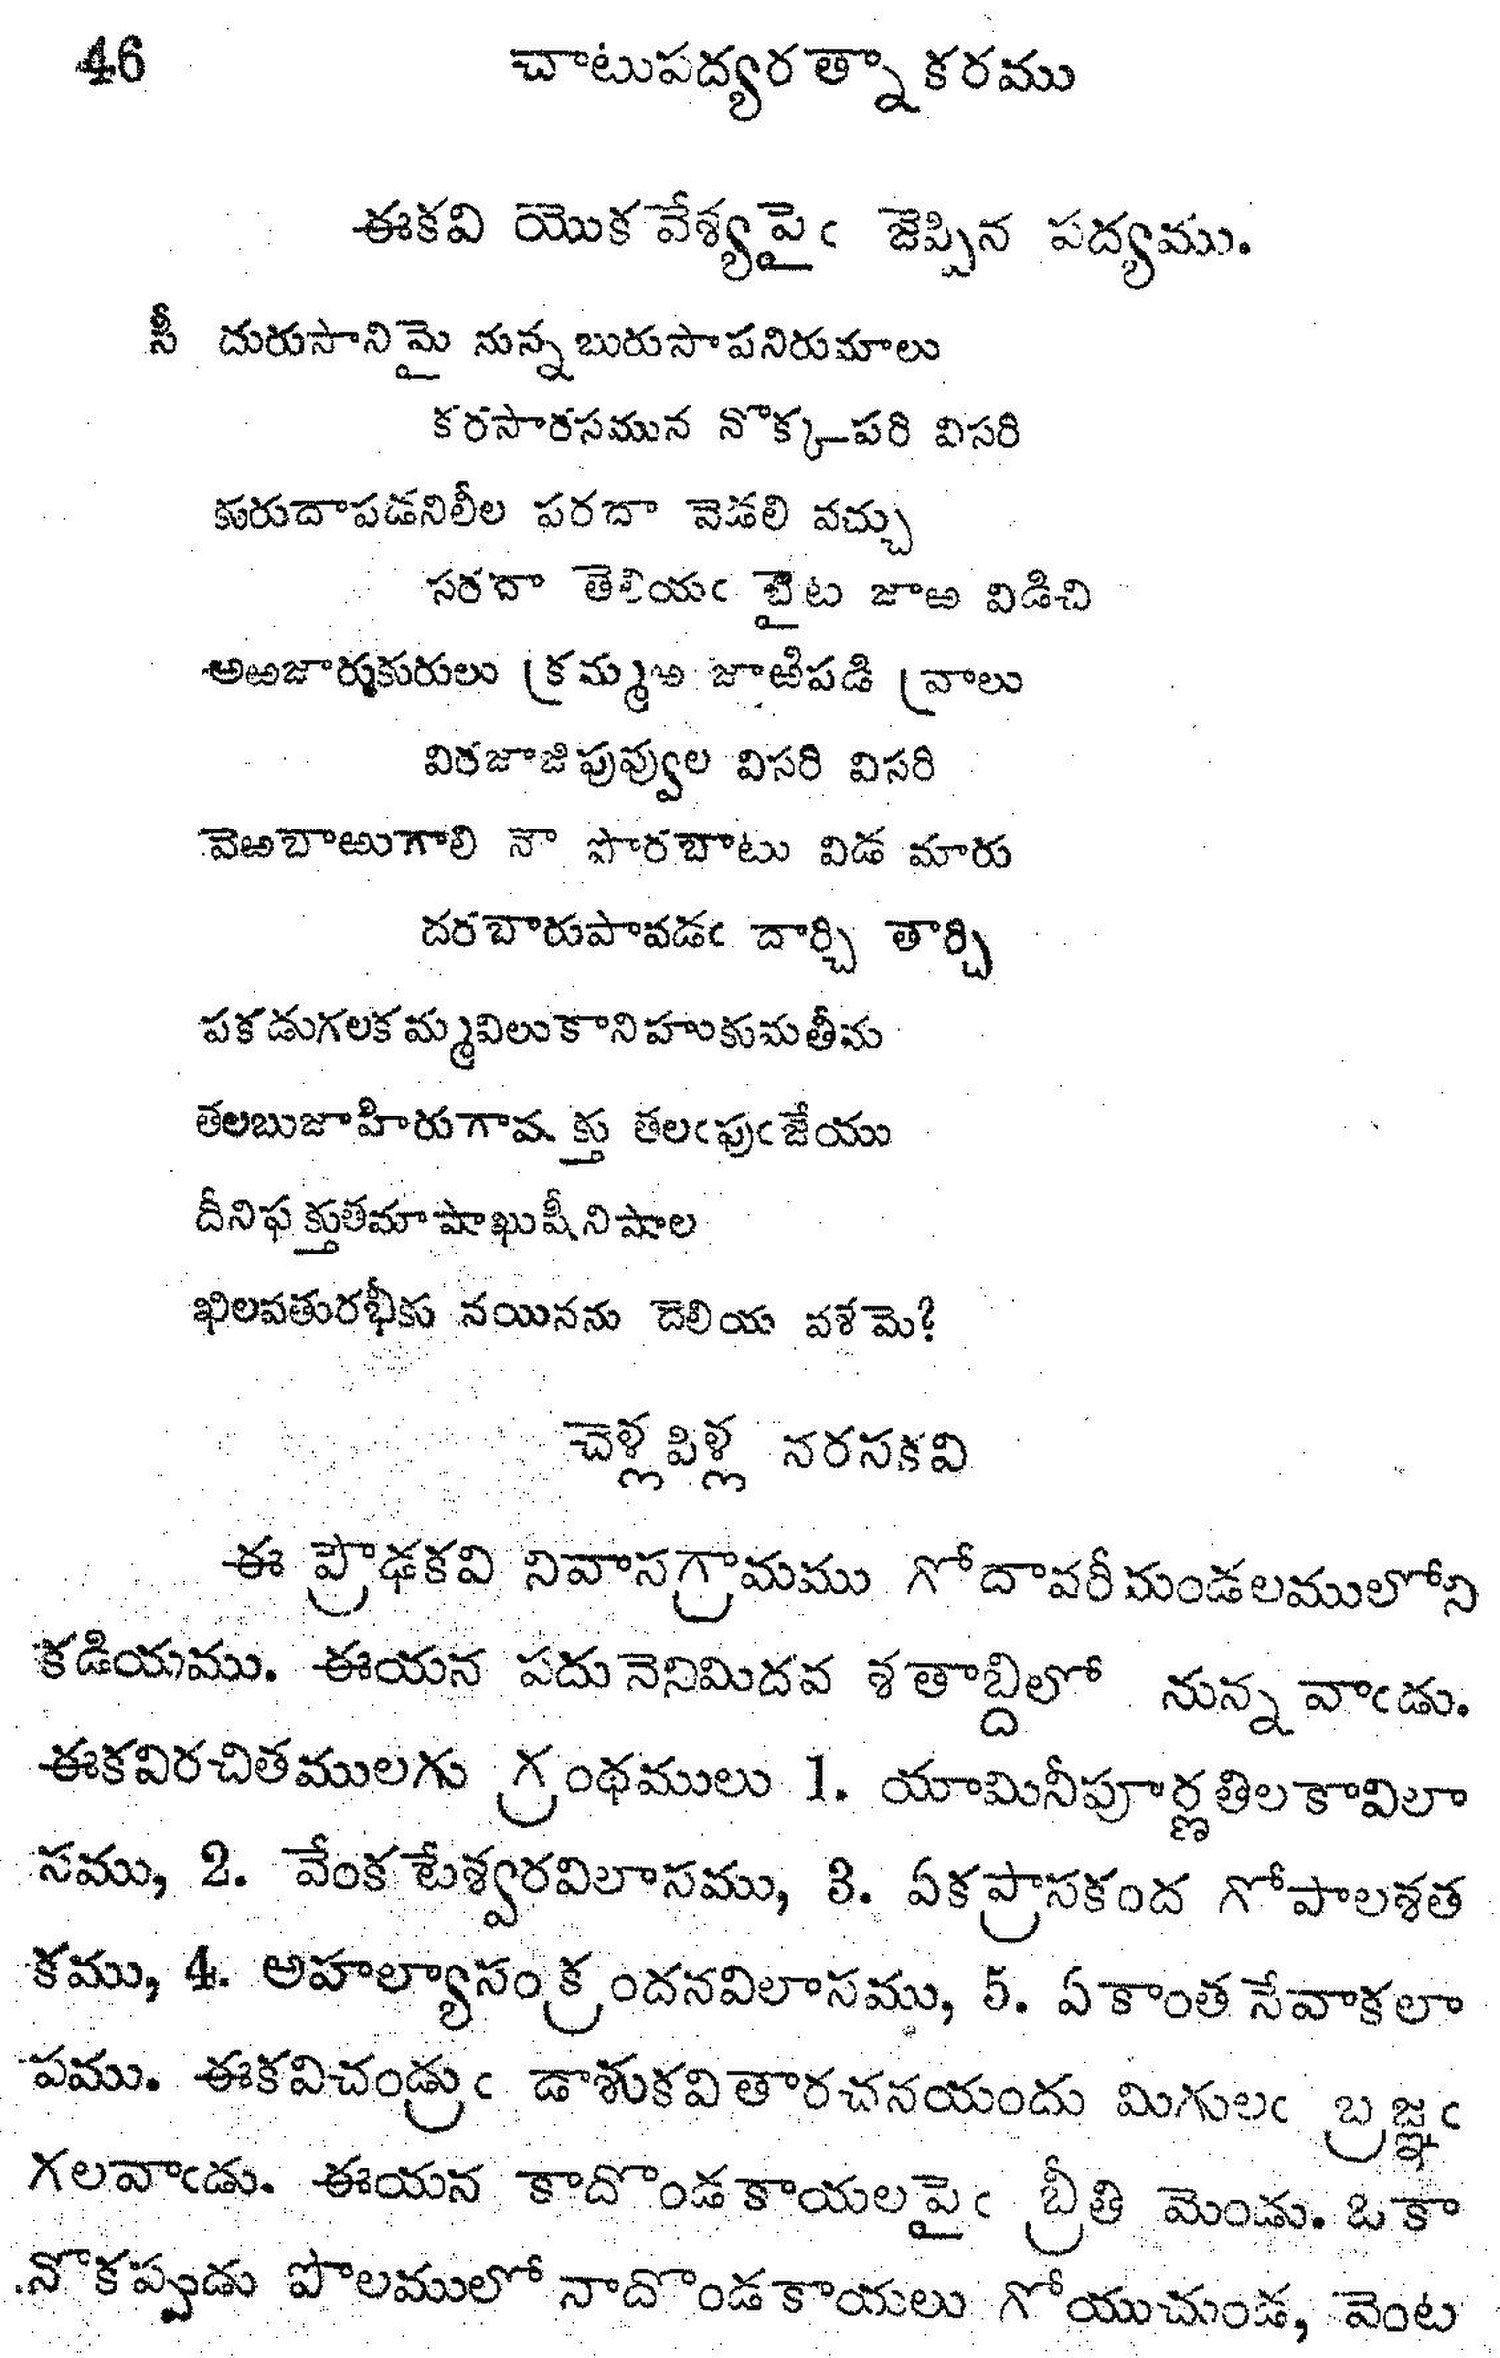ఈకవి యొకవేశ్యపైఁ జెప్పిన పద్యము—

సీ. దురుసానిమై నున్నబురుసాపనిరుమాలు
 కరసారసమున నొక్కపరి విసరి
 కురుదాపడనిలీల పరదా వెడలి వచ్చు
 సరదా తెలియఁ బైట జార విడిచి
 అఱజారుకురులు క్రమ్మఱ జాఱిపడి వ్రాలు
 విరజాజిపువ్వుల విసరి విసరి
 వెఱబాఱుగాలి నౌ పొరబాటు విడ మారు
 దరబారుపావడఁ దార్చి తార్చి
 పకడుగలకమ్మవిలుకానిహుకుమతీమ
 తలబుజాహిరుగాషక్తు తలఁపుఁజేయు
 దీనిఫక్తుతమాషాఖుషీనిషాల
 ఖిలవతురభీకు నయినను దెలియ వశమె?

ఈప్రౌఢకవి నివాసగ్రామము గోదావరీమండలములోని కడియము. ఈయని పదునెనిమిదవ శతాబ్దిలో నున్నవాఁడు.ఈకవిరచితములగు గ్రంథములు 1. యామినీపూర్ణతిలకావిలాసము, 2. వేంకటేశ్వరవిలాసము, 3. ఏకప్రాసకంద గోపాలశతకము, 4. అహల్యాసంక్రందనవిలాసము, 5. ఏకాంతసేవాకలాపము. ఈకవిచంఢ్రుఁ డాశుకవితారచనయందు మిగులఁ బ్రజ్ఞఁ గలవాఁడు. ఈయన కాదొండకాయలపైఁ బ్రీతిమెండు. ఒకానొకప్పుడు పొలములో నాదొండకాయలు గోయుచుండ వెంట